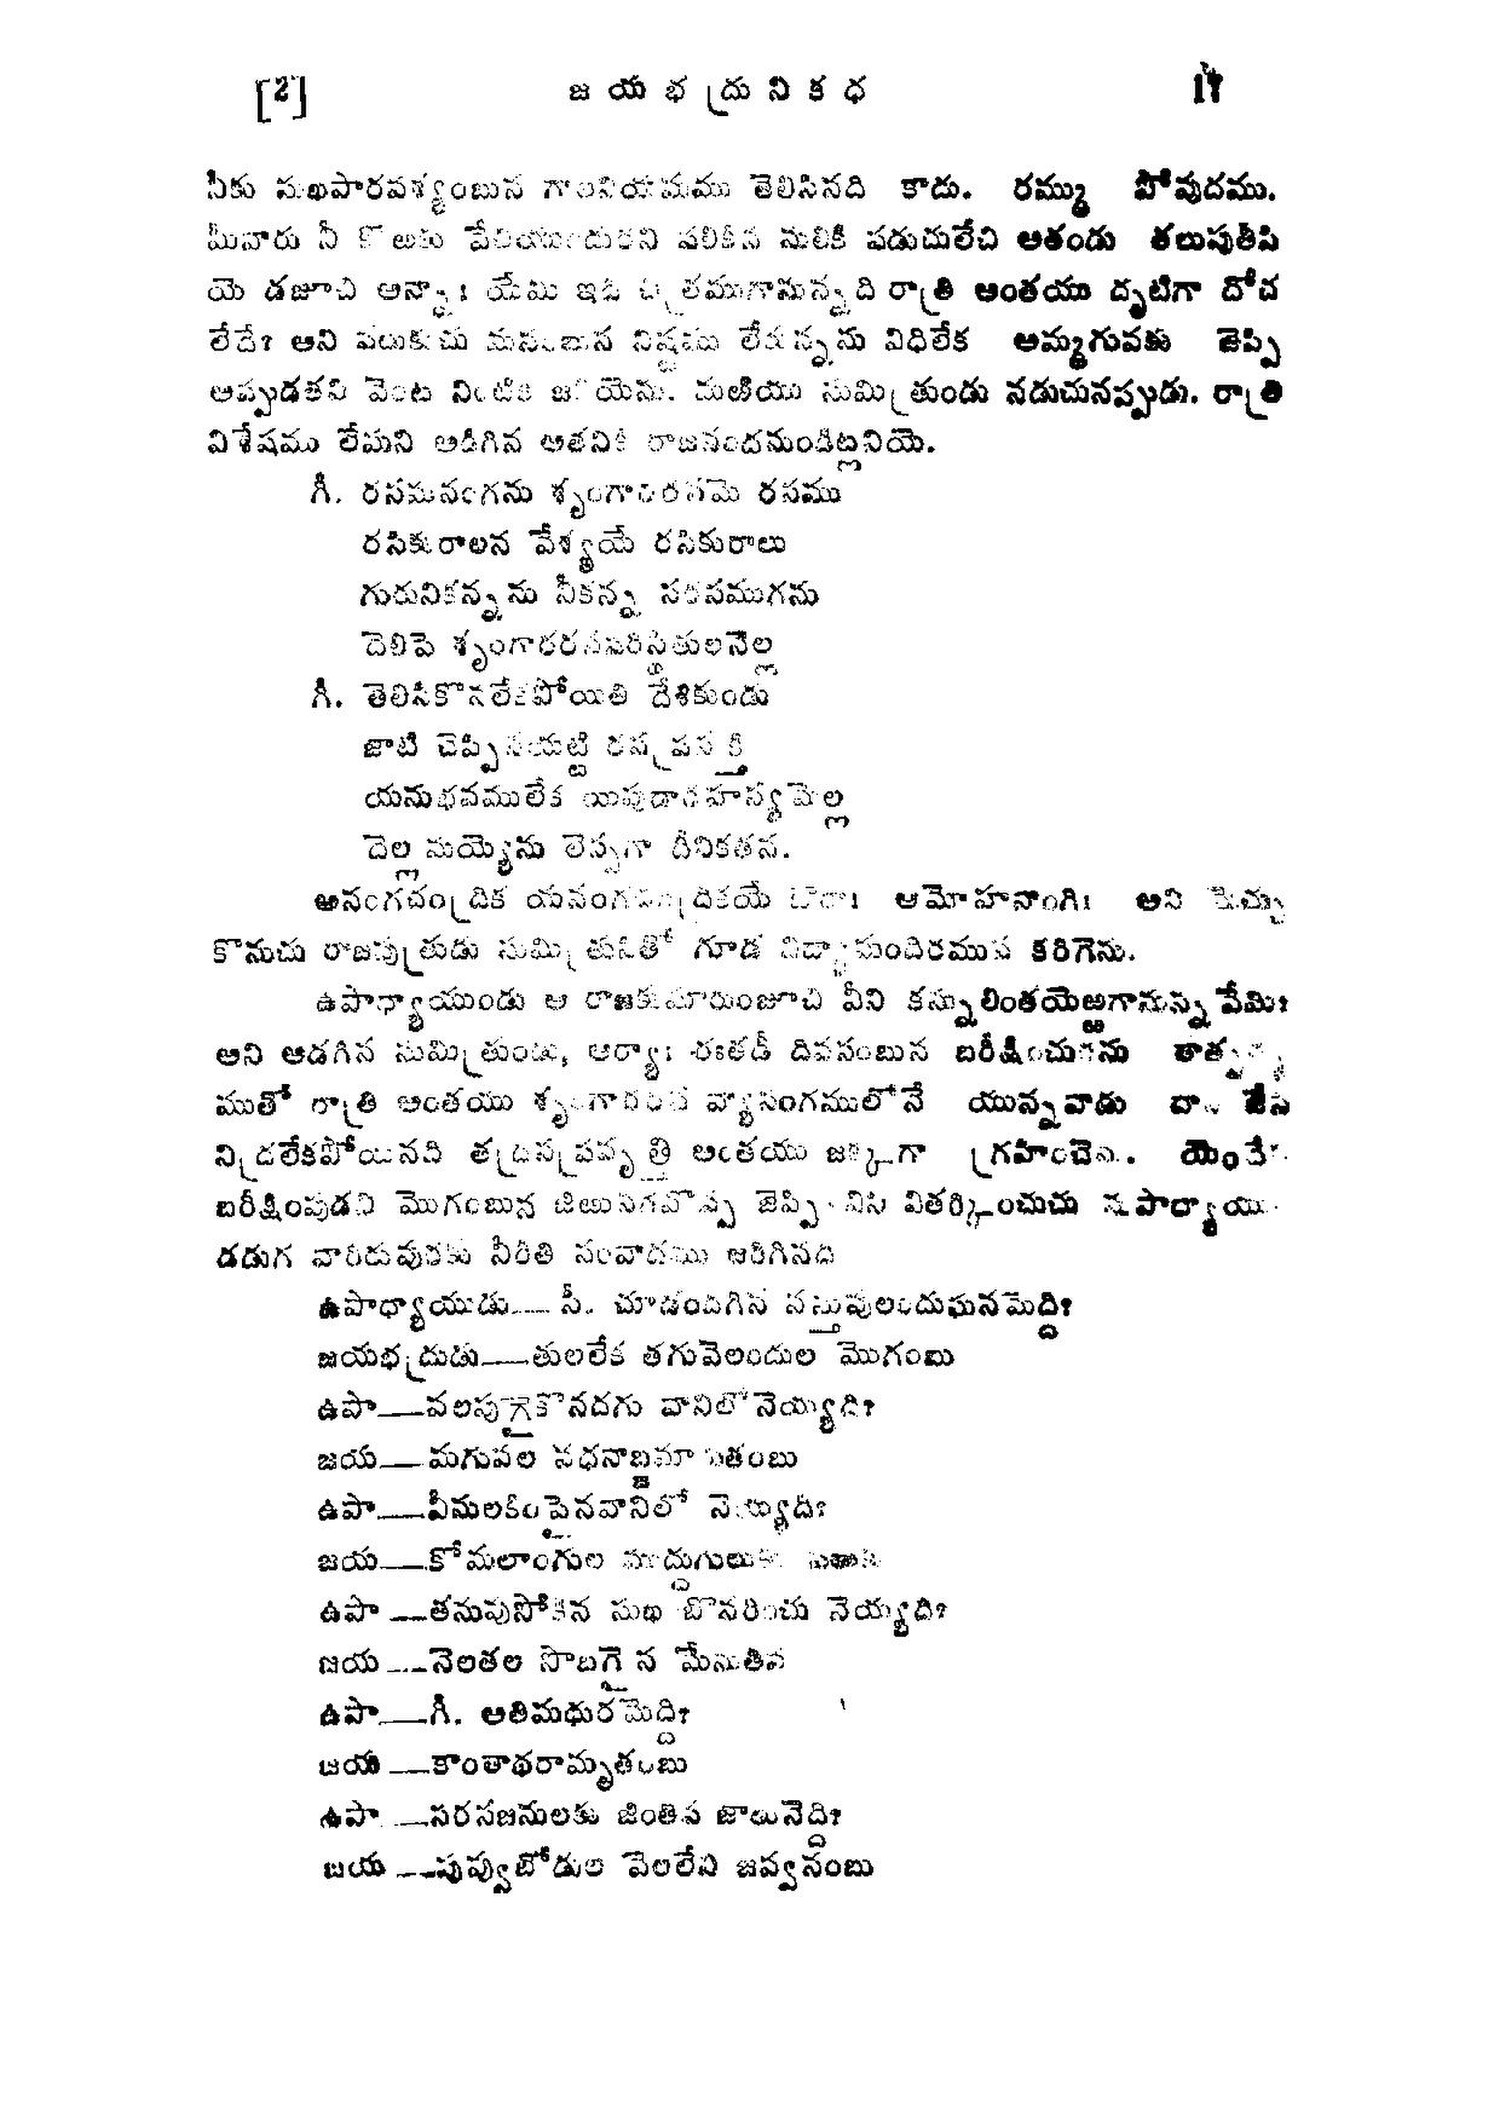నీకు సుఖపారవశ్యంబున గాలనియమము తెలిసినది కాదు. రమ్ము పోవుదము. మీవారు నీ కొఱకు వేచియుందురని పలికిన నులికి పడుచు లేచి అతండు తలుపుతీసి యెడజూచి అన్నా! యేమి ఇది చిత్రముగానున్నది రాత్రి అంతయు దృటిగా దోచలేదే? అని పలుకుచు మనంబున నిష్టము లేకున్నను విధిలేక అమ్మగువకు జెప్పి అప్పుడతని వెంట నింటికి జనియెను. మఱియు సుమిత్రుండు నడుచునప్పుడు రాత్రి విశేషము లేమని అడిగిన అతనికి రాజనందనుం డిట్లనియె.

గీ. రసమనంగను శృంగారరసమె రసము
 రసికురాలన వేశ్యయే రసికురాలు
 గురునికన్నను నీకన్న సరసముగను
 దెలిపె శృంగారరసపరిస్థితులనెల్ల

గీ. తెలిసికొనలేకపోయితి దేశికుండు
 జాటి చెప్పినయట్టి రసప్రసక్తి
 యనుభవములేక యిపుడారహస్యమెల్ల
 దెల్ల మయ్యెను లెస్సగా దీనికతన.
అనంగచంద్రిక యనంగచంద్రికయే ఔరా! ఆమోహనాంగి! అని మెచ్చుకొనుచు రాజపుత్రుడు సుమిత్రునితో గూడ విద్యామందిరమున కరిగెను.

ఉపాధ్యాయుండు ఆ రాజకుమారుం జూచి వీని కన్నులింతయెఱ్ఱగానున్న వేమి? అని ఆడగిన సుమిత్రుండు, ఆర్యా: ఈతడీ దివసంబున బరీక్షించు తాత్పర్యముతో రాత్రి అంతయు శృంగారరస వ్యాసంగములోనే యున్నవాడు గాన జేసి నిద్రలేకపోయినది తద్రినప్రవృతి అంతయు జక్కగా గ్రహించెను. యెందేని బరీక్షింపుడని మొగంబున జిఱునగవొప్ప జెప్పినవిని వితర్కించుచు నుపాధ్యాయు డడుగ వారిరువురకు నీరీతి సంవాదము జరిగినది.

ఉపాధ్యాయుడు - సీ. చూడందగిన వస్తువులందుఘనమెద్ది?

జయభద్రుడు - తులలేక తగువెలందుల మొగంబు

ఉపా - వలపుగైకొనదగు వానిలో నెయ్యది?

జయ - మగువల వదనాబ్జమారుతంబు

ఉపా - వీనులకింపైనవానిలో నెయ్యది?

జయ - కోమలాంగుల ముద్దుగులుకుపలుకు

ఉపా - తనువుసోకిన సుఖ బొనరించు నెయ్యది?

జయ - నెలతల సొబగైన మేను తీవ

ఉపా - గీ. అతిమధురమెద్ది?

జయ - కాంతాధరామృతంబు

ఉపా - సరసజనులకు జింతింప జాలునెద్ది?

జయ - పువ్వుబోడుల వెలలేని జవ్వనంబు